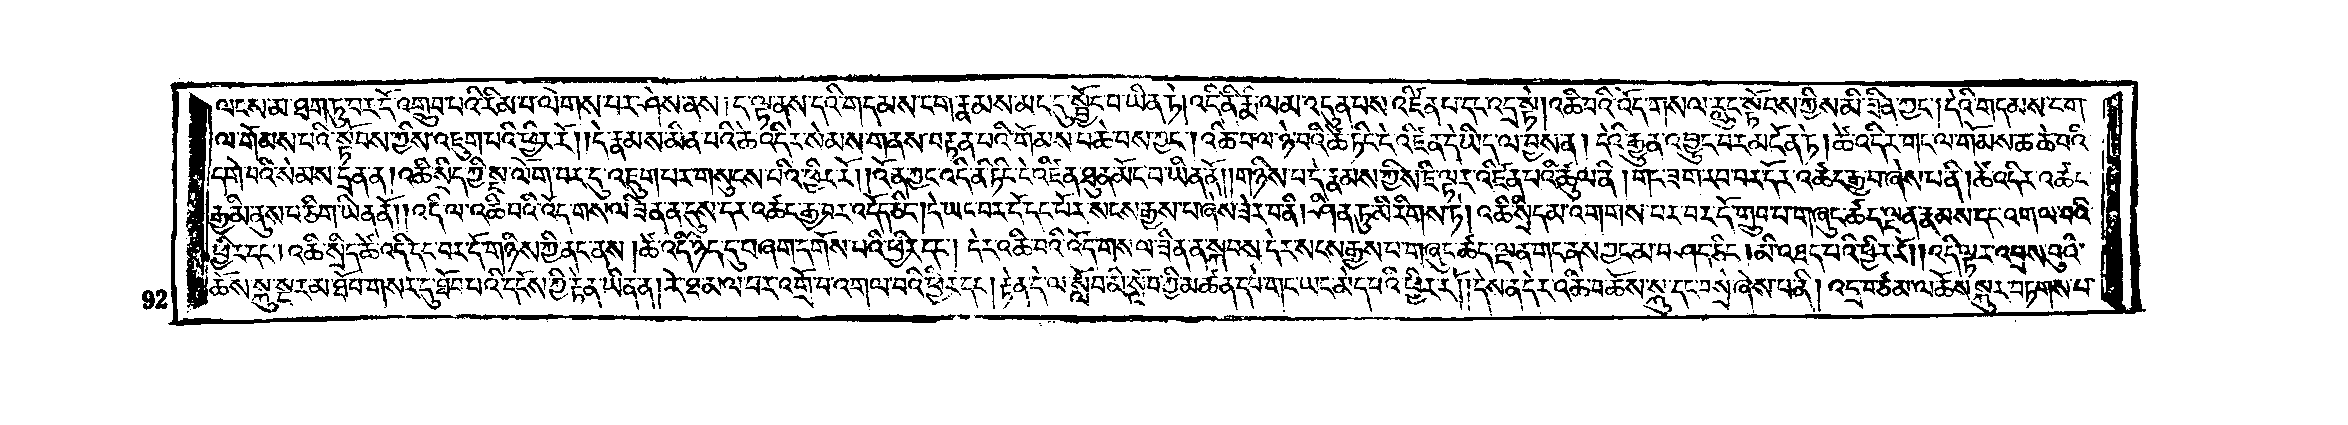ལངས་མ་ཐག་ཏུ་བར་དོ་འགྲུབ་པའི་རིམ་པ་ལེགས་པར་ཤེས་ནས། ད་ལྟ་ནས་དེའི་གདམས་ངག་རྣམས་མང་དུ་སྦྱོང་བ་ཡིན་ཏེ། འདི་ནི་རྨི་ལམ་འདུན་པས་འཛིན་པ་དང་འདྲ་སྟེ། འཆི་བའི་འོད་གསལ་རླུང་སྟོབས་ཀྱིས་མི་ཟིན་ཀྱང་། དེའི་གདམས་ངག་
ལ་གོམས་པའི་སྟོབས་ཀྱིས་འཇུག་པའི་ཕྱིར་རོ། །དེ་རྣམས་མིན་པའི་ཚེ་འདིར་སེམས་གནས་བརྟན་པའི་གོམས་པ་ཆེ་བས་ཀྱང་། འཆི་བ་ལ་ཉེ་བའི་ཚེ་ཏིང་ངེ་འཛིན་དེ་ཡིད་ལ་བྱས་ན། དེའི་རྒྱུན་འབྱུང་བར་མངོན་ཏེ། ཚེ་འདིར་གང་ལ་གོམས་ཆ་ཆེ་བའི་
དགེ་བའི་སེམས་དྲན་ན། འཆི་སྲིད་ཀྱི་སྔ་ལོག་བར་དུ་འཇུག་པར་གསུངས་པའི་ཕྱིར་རོ། །འོན་ཀྱང་འདི་ནི་ཏིང་ངེ་འཛིན་ཐུན་མོང་བ་ཡིན་ནོ། །གཉིས་པ་དེ་རྣམས་ཀྱིས་ཇི་ལྟར་འཛིན་པའི་ཚུལ་ནི། གང་ཟག་རབ་བར་དོར་འཚང་རྒྱ་བ་ཞེས་པ་ནི། ཚེ་འདིར་འཚང་
རྒྱ་མི་ནུས་པ་ཅིག་ཡིན་ནོ། །འདི་ལ་འཆི་བའི་འོད་གསལ་ཟིན་ན་དུས་དེར་འཚང་རྒྱ་བར་འདོད་ཅིང་། དེ་ཡང་བར་དོ་དང་པོར་སངས་རྒྱས་པ་ཞེས་ཟེར་བ་ནི། ཤིན་ཏུ་མི་རིགས་ཏེ། འཆི་སྲིད་མ་འགགས་པར་བར་དོ་གྲུབ་པ་གཞུང་ཚད་ལྡན་རྣམས་དང་འགལ་བའི་
ཕྱིར་དང་། འཆི་སྲིད་ཚེ་འདི་དང་བར་དོ་གཉིས་ཀྱི་ནང་ནས། ཚེ་འདི་ཉིད་དུ་གཞག་དགོས་པའི་ཕྱིར་དང་། དེར་འཆི་བའི་འོད་གསལ་ཟིན་ན་སྐབས་དེར་སངས་རྒྱས་པ་གཞུང་ཚད་ལྡན་གང་ནས་ཀྱང་མ་བཤད་ཅིང་། མི་འཐད་པའི་ཕྱིར་རོ། །འདི་ལྟར་འབྲས་བུའི་
ཆོས་སྐུ་སྔར་མ་ཐོབ་གསར་དུ་ཐོབ་པའི་དངོས་ཀྱི་རྟེན་ཡིན་ན། རོ་ཐ་མལ་པར་འགྲོ་བ་འགལ་བའི་ཕྱིར་དང་། རྟེན་དེ་ལ་སློབ་མི་སློབ་ཀྱི་མཚན་དཔེ་གང་ཡང་མེད་པའི་ཕྱིར་རོ། །དེས་ན་དེར་འཆི་བ་ཆོས་སྐུ་དང་བསྲེ་ཞེས་པ་ནི། འདྲ་བ་ཙམ་ལ་ཆོས་སྐུར་བཏགས་པ་